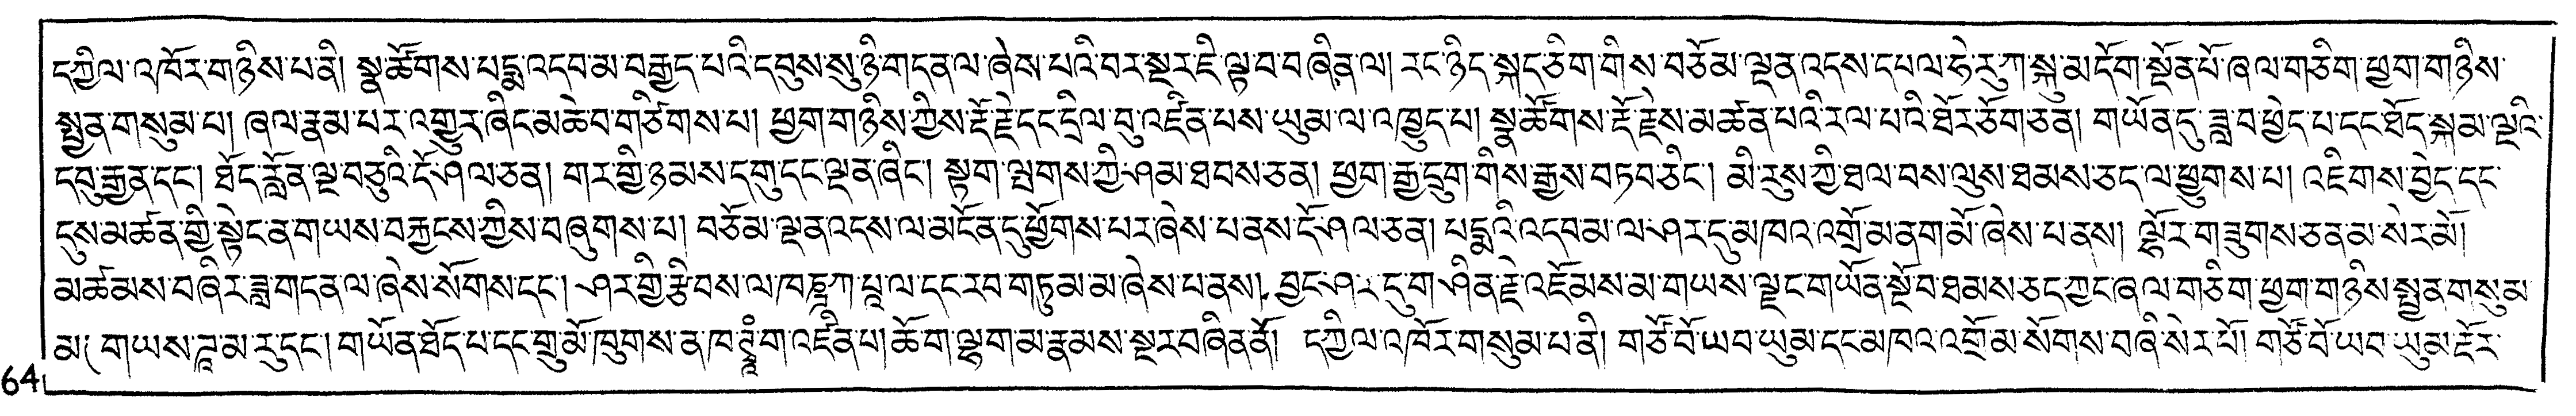དཀྱིལ་འཁོར་གཉིས་པ་ནི། སྣ་ཚོགས་པདམ་འདབ་མ་བརྒྱད་པའི་དབུས་སུ་ཉི་གདན་ལ་ཞེས་པའི་བར་སྔར་ཇི་ལྟ་བ་བཞིན་ལ། རང་ཉིད་སྐད་ཅིག་གིས་བཅོམ་ལྡན་འདས་དཔལ་ཧེ་རུ་ཀ་སྐུ་མདོག་སྔོན་པོ་ཞལ་གཅིག་ཕྱག་གཉིས་
སྤྱན་གསུམ་པ། ཞལ་རྣམ་པར་འགྱུར་ཞིང་མཆེ་བ་གཙིགས་པ། ཕྱག་གཉིས་ཀྱིས་རྡོ་རྗེ་དང་དྲིལ་བུ་འཛིན་པས་ཡུམ་ལ་འཁྱུད་པ། སྣ་ཚོགས་རྡོ་རྗེས་མཚན་པའི་རལ་པའི་ཐོར་ཅོག་ཅན། གཡོན་དུ་ཟླ་བ་ཕྱེད་པ་དང་ཐོད་སྐམ་ལྔའི་
དབུ་རྒྱན་དང་། ཐོད་རློན་ལྔ་བཅུའི་དོ་ཤལ་ཅན། གར་གྱི་ཉམས་དགུ་དང་ལྡན་ཞིང་། སྟག་ལྤགས་ཀྱི་ཤམ་ཐབས་ཅན། ཕྱག་རྒྱ་དྲུག་གིས་རྒྱས་བཏབ་ཅིང་། མི་རུས་ཀྱི་ཐལ་བས་ལུས་ཐམས་ཅད་ལ་ཕྱུགས་པ། འཇིགས་བྱེད་དང་
དུས་མཚན་གྱི་སྟེང་ན་གཡས་བརྐྱངས་ཀྱིས་བཞུགས་པ། བཅོམ་ལྡན་འདས་ལ་མངོན་དུ་ཕྱོགས་པར་ཞེས་པ་ནས་དོ་ཤལ་ཅན། པདམའི་འདབ་མ་ལ་ཤར་དུ་མཁའ་འགྲོ་མ་ནག་མོ་ཞེས་པ་ནས། ལྷོར་གཟུགས་ཅན་མ་སེར་མོ།
མཚམས་བཞིར་ཟླ་གདན་ལ་ཞེས་སོགས་དང་། ཤར་གྱི་རྩིབས་ལ་ཁཎྜ་ཀ་པཱ་ལ་དང་རབ་གཏུམ་མ་ཞེས་པ་ནས། བྱང་ཤར་དུ་གཤིན་རྗེ་འཇོམས་མ་གཡས་ལྗང་གཡོན་སྔོ་བ་ཐམས་ཅད་ཀྱང་ཞལ་གཅིག་ཕྱག་གཉིས་སྤྱན་གསུམ་
མ། གཡས་ཌཱ་མ་རུ་དང་། གཡོན་ཐོད་པ་དང་གྲུ་མོ་ཁུགས་ན་ཁ་ཊྭཱཾ་ག་འཛིན་པ། ཆོ་ག་ལྷག་མ་རྣམས་སྔར་བཞིན་ནོ། དཀྱིལ་འཁོར་གསུམ་པ་ནི། གཙོ་བོ་ཡབ་ཡུམ་དང་མཁའ་གྲོ་མ་སོགས་བཞི་སེར་པོ། གཙོ་བོ་ཡབ་ཡུམ་རྡོར་